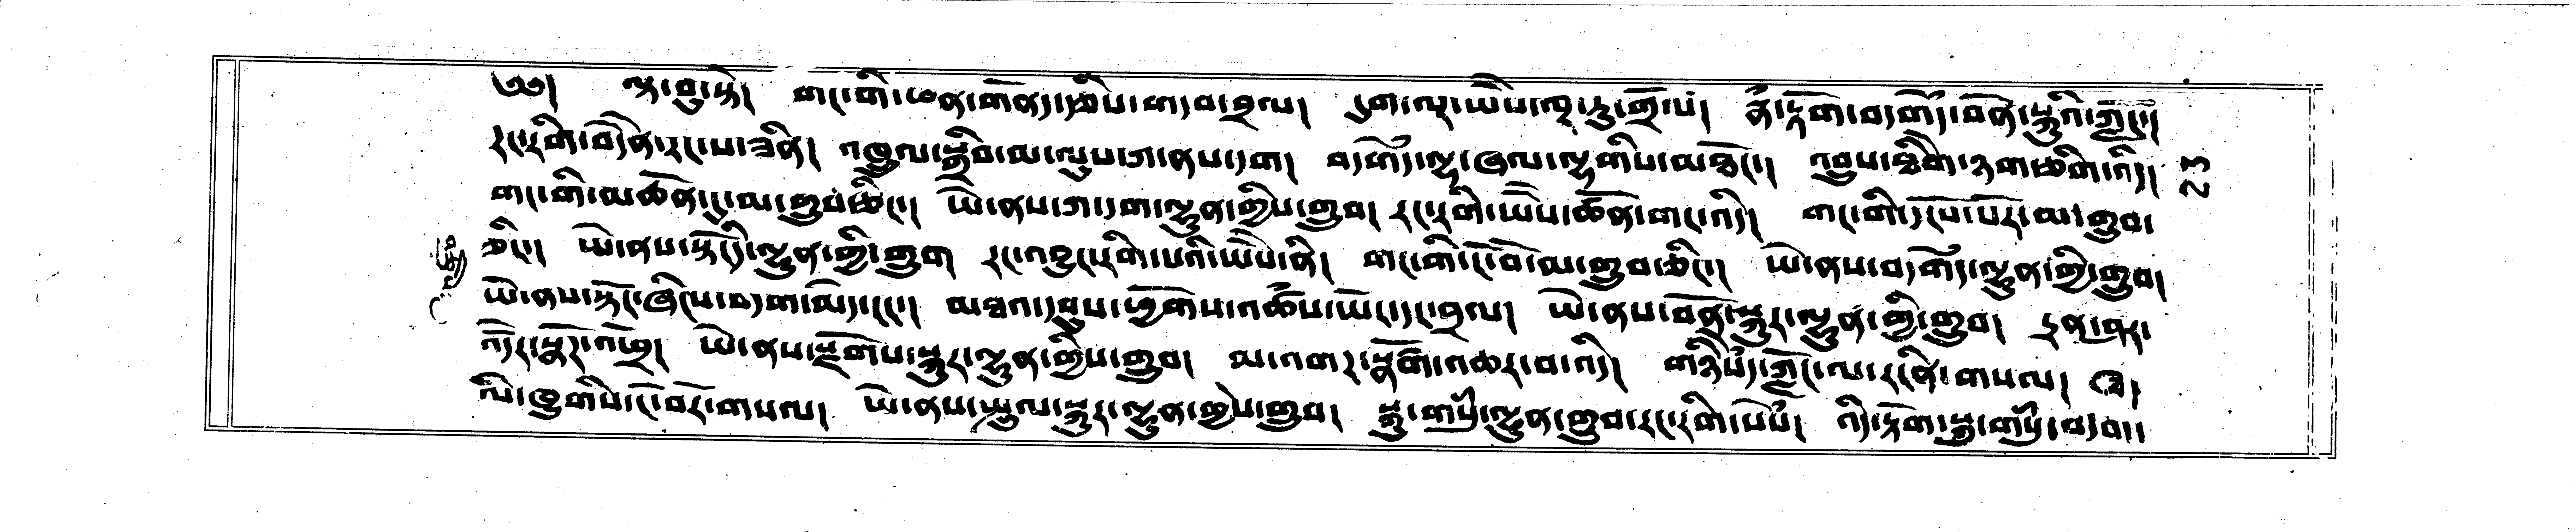ལྟ་བུ་སྟེ། གང་གི་ཕན་གནོད་རྩིས་གདབ་བྲལ། དུག་ལྔ་ཡེ་ཤེས་ལྔ་རུ་གྲོལ། རྣམ་རྟོག་བདག་མེད་བོན་སྐུའི་ཀློང་། 
རང་རིག་བདེ་ཆེན་རང་ས་ཟིན། འཁྲུལ་སྒྲིབ་མ་ལུས་ཀ་ནས་དག བདག་མེད་ལྷ་ཞལ་ལྷག་གིས་མཐོང་། འབྲས་བུ་ཐིག་ལེ་ཉག་གཅིག་འདི། 
གང་གི་མཚོན་དུ་མ་གྲུབ་ཅིང་། ཡེ་ནས་ཀ་དག་ལྷུན་གྱིས་གྲུབ། རང་རིག་ཡེ་ཤེས་ཚོན་གང་འདི། གང་གི་དངོས་པོར་མ་གྲུབ་
ཅིང་། ཡེ་ནས་སྟོང་ཉིད་ལྷུན་གྱིས་གྲུབ། རང་བྱུང་རིག་པའི་ཡེ་ཤེས་ནི། གང་གི་ངོ་བོ་མ་གྲུབ་ཅིང་། ཡེ་ནས་བདག་མེད་ལྷུན་གྱིས་གྲུབ། 
ཡེ་ནས་སྟོང་ཞིང་བདག་མེད་ངང་། མཐའ་དབུས་ཕྱོགས་མཚམས་ཡོངས་དང་བྲལ། ཡེ་ནས་བོན་སྐུར་ལྷུན་གྱིས་གྲུབ། དྲན་ཤར་
འོད་ཟེར་སྣ་ཚོགས་འཕྲོ། ཡེ་ནས་རྫོགས་སྐུར་ལྷུན་གྱིས་གྲུབ། མ་འགགས་སྣ་ཚོགས་འཆར་བ་འདི། གཉིས་མེད་ཀློང་ལ་རང་བཞིན་གསལ། ཝ་
ལེ་ཁྱུག་གིས་ངོ་བོར་གསལ། ཡེ་ནས་སྤྲུལ་སྐུར་ལྷུན་གྱིས་གྲུབ། སྐུ་གསུམ་ལྷུན་གྲུབ་རང་རིག་སེམས། འདི་རྟོག་སྐུ་གསུམ་བདག་